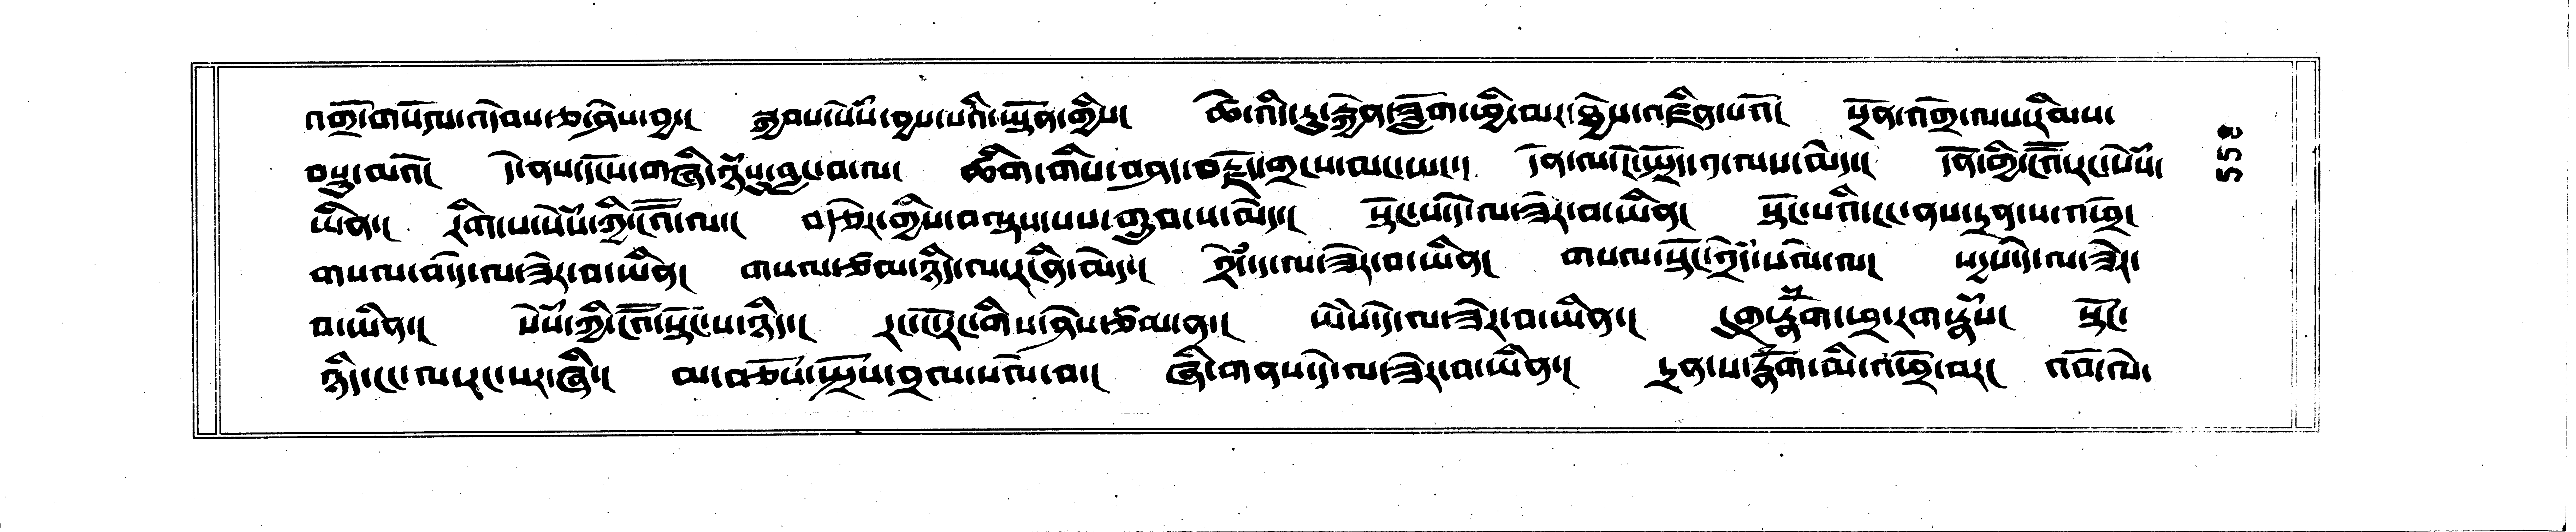འགྲོ་གསོལ་འདེབས་ཅི་ཤེས་བྱ། སྐྱབས་སེམས་བྱས་བའི་ཡོན་ཏན་གྱིས། ཚེ་འདི་རུ་རྐྱེན་བཟློག་ཕྱི་མར་ཐུགས་རྗེས་འཛིན་པའོ། སྔོན་འགྲོ་ལས་རིས་༼རིམ༽
བསྡུས་མའོ། དེ་ནས་དངོས་གཞི་ཉམས་སུ་བླང་བ་ལ། ཚིག་གིས་བཤད་བརྗོད་གྲངས་མང་ཡང་། དོན་ལ་ངོ་སྤྲོད་ཅིག་ལས་མེད། དོན་གྱིས་ངོའོ་རང་སེམས་
ཡིན། རིག་པ་སེམས་ཀྱི་ངོའོ་ལ། གཅེར་གྱི་ལྟས་པས་གྲུབ་པ་མེད། སྟོང་པ་དེ་ལ་ཟེར་བ་ཡིན། སྟོང་པས་༼པའི༽ངང་ནས་དྲན་པ་འཕྲོ། 
གསལ་བ་དེ་ལ་ཟེར་བ་ཡིན། གསལ་ཙམ་ཉིད་ལ་རང་བཞིན་མེད། གཉིས་མེད་དེ་ལ་ཟེར་བ་ཡིན། གསལ་སྟོང་གཉིས་མེད་སལེ་བ། སངས་རྒྱས་དེ་ལ་ཟེར་
བ་ཡིན། སེམས་ཀྱི་ངོའོ་སྟོང་པ་ཉིད། རང་ངོར་རང་གིས་ཤེས་ཙམ་ན། ཡེ་ཤེས་དེ་ལ་ཟེར་བ་ཡིན། དུག་ལྔ་རྣམ་རྟོག་འཕྲ་རག་རྣམས། སྟོང་
ཉིད་ངང་དུ་རང་སར་ཞི། མ་བཅོས་སྤྲོས་བྲལ་སལེ་བ། གཞི་གནས་དེ་ལ་ཟེར་བ་ཡིན། དྲན་པ་རྣམ་རྟོག་མི་འཕྲོ་བ། འབོ་ལེ་